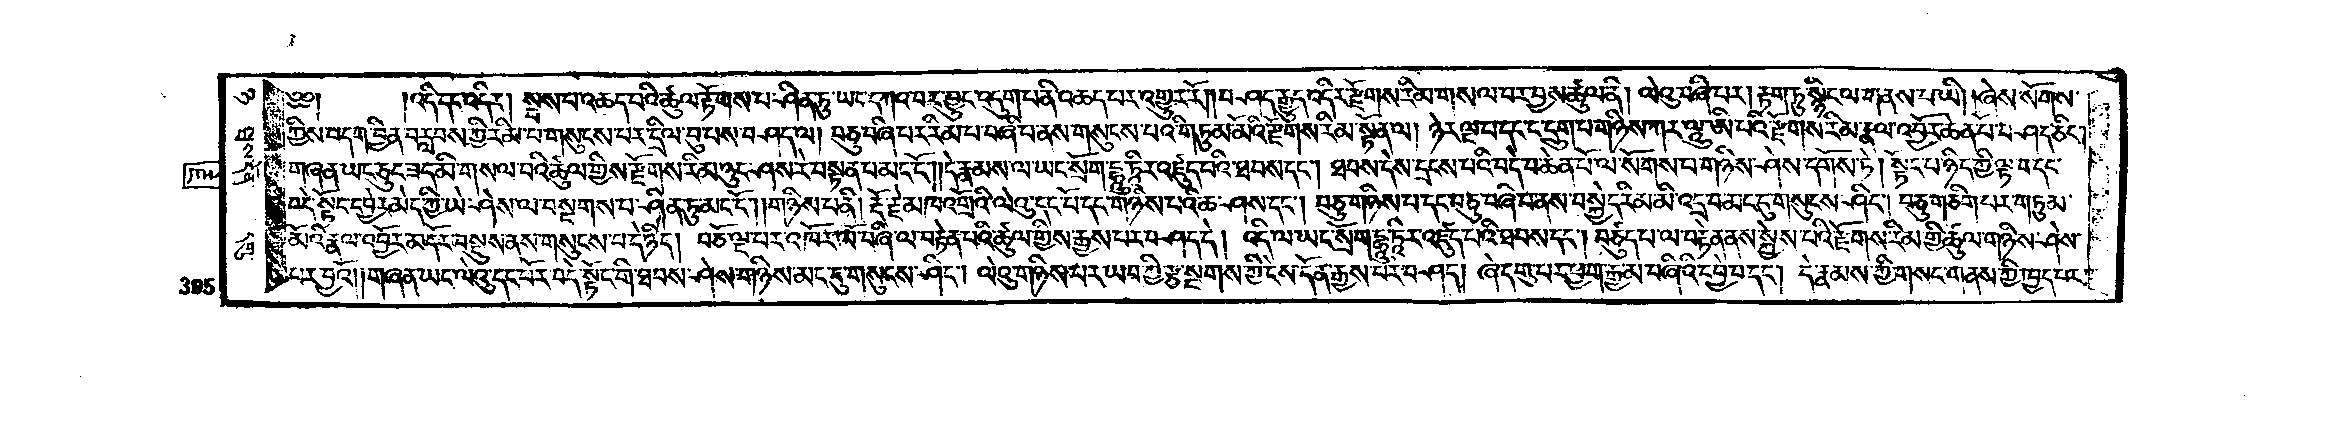༄༅། །འདི་དང་འདིར། སྦས་པ་འཆད་པའི་ཚུལ་རྟོགས་པ་ཤིན་ཏུ་ཡང་དཀའ་བར་བྱུང་འདུག་པ་ནི་འཆད་པར་འགྱུར་རོ། །བཤད་རྒྱུད་འདིར་རྫོགས་རིམ་གསལ་བར་བྱས་ཚུལ་ནི། ལེའུ་བཞི་པར། རྟག་ཏུ་སྙིང་ལ་གནས་པ་ཡི། །ཞེས་སོགས་
ཀྱིས་བདག་བྱིན་བརླབས་ཀྱི་རིམ་པ་གསུངས་པར་དྲིལ་བུ་པས་བཤད་ལ། བཅུ་བཞི་པར་རིམ་པ་བཞི་པ་ནས་གསུངས་པའི་གཏུམ་མོའི་རྫོགས་རིམ་སྟོན་ལ། ཉེར་ལྔ་པ་དང་ང་དྲུག་པ་གཉིས་ཀར་ལཱུ་ཨི་པའི་རྫོགས་རིམ་རྣལ་འབྱོར་ཆེན་པོ་བཤད་ཅིང་
གཞན་ཡང་ཅུང་ཟད་མི་གསལ་བའི་ཚུལ་གྱིས་རྫོགས་རིམ་ཉུང་ཤས་རེ་བསྟན་པ་མང་ངོ། །དེ་རྣམས་ལ་ཡང་སྲོག་དྷཱུ་ཏཱིར་འཛུད་པའི་ཐབས་དང་། ཐབས་དེས་དྲངས་པའི་བདེ་བ་ཆེན་པོ་ལ་སོགས་པ་གཉིས་ཤེས་དགོས་ཏེ། སྟོང་པ་ཉིད་ཀྱི་ལྟ་བ་དང་
བདེ་སྟོང་དབྱེར་མེད་ཀྱི་ཡེ་ཤེས་ལ་བསྔགས་པ་ཤིན་ཏུ་མང་ངོ། །གཉིས་པ་ནི། རྡོ་རྗེ་མཁའ་འགྲོའི་ལེའུ་དང་པོ་དང་གཉིས་པའི་ཆ་ཤས་དང་། བཅུ་གཉིས་པ་དང་བཅུ་བཞི་པ་ནས་བསྐྱེད་རིམ་མི་འདྲ་བ་མང་དུ་གསུངས་ཤིང་། བཅུ་གཅིག་པར་གཏུམ་
མོའི་རྣལ་འབྱོར་མདོར་བསྡུས་ནས་གསུངས་པ་དེ་ཉིད། བཅོ་ལྔ་པར་འཁོར་ལོ་བཞི་ལ་བརྟེན་པའི་ཚུལ་གྱིས་རྒྱས་པར་བཤད་དེ། འདི་ལ་ཡང་སྲོག་དྷཱུ་ཏཱིར་འཛུད་པའི་ཐབས་དང་། བཙུད་པ་ལ་བརྟེན་ནས་སྐྱེས་པའི་རྫོགས་རིམ་གྱི་ཚུལ་གཉིས་ཤེས་
པར་བྱའོ། །གཞན་ཡང་ལེའུ་དང་པོར་བདེ་སྟོང་གི་ཐབས་ཤེས་གཉིས་མང་དུ་གསུངས་ཤིང་། ལེའུ་གཉིས་པར་ཡབ་ཀྱི་རྩ་སྔགས་ཀྱི་ངེས་དོན་རྒྱས་པར་བཤད། ཞེ་དགུ་པར་ཕྱག་རྒྱ་མ་བཞིའི་དབྱེ་བ་དང་། དེ་རྣམས་ཀྱི་གསང་གནས་ཀྱི་ཁྱད་པར་